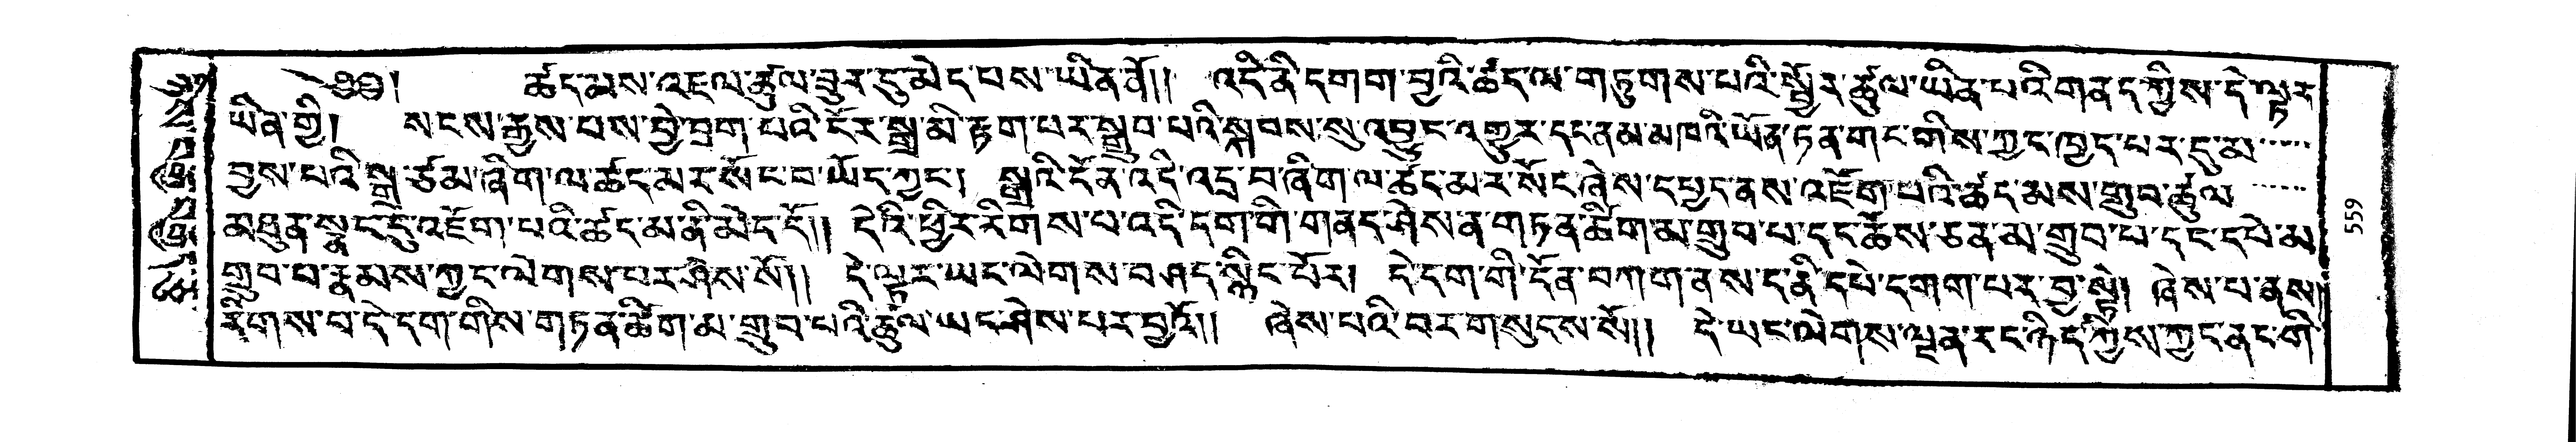༄༅། །ཚད་མས་འཇལ་ཚུལ་ཟུར་དུ་མེད་པས་ཡིན་ནོ།། འདི་ནི་དགག་བྱའི་ཚད་ལ་གཏུགས་པའི་སྦྱོར་ཚུལ་ཡིན་པའི་གནད་ཀྱིས་དེ་ལྟར་
ཡིན་གྱི། སངས་རྒྱས་པས་བྱེ་བྲག་པའི་ངོར་སྒྲ་མི་རྟག་པར་སྒྲུབ་པའི་སྐབས་སུ་འབྱུང་འགྱུར་དང་ནམ་མཁའི་ཡོན་ཏན་གང་གིས་ཀྱང་ཁྱད་པར་དུ་མ་
བྱས་པའི་སྒྲ་ཙམ་ཞིག་ལ་ཚད་མར་སོང་བ་ཡོད་ཀྱང་། སྒྲའི་དོན་འདི་འདྲ་བ་ཞིག་ལ་ཚད་མར་སོང་ཞེས་དཔྱད་ནས་འཇོག་པའི་ཚད་མས་གྲུབ་ཚུལ་
མཐུན་སྣང་དུ་འཇོག་པའི་ཚད་མ་ནི་མེད་དོ།། དེའི་ཕྱིར་རིགས་པ་འདི་དག་གི་གནད་ཤེས་ན་གཏན་ཚིག་མ་གྲུབ་པ་དང་ཆོས་ཅན་མ་གྲུབ་པ་དང་དཔེ་མ་
གྲུབ་པ་རྣམས་ཀྱང་ལེགས་པར་ཤེས་སོ།། དེ་ལྟར་ཡང་ལེགས་བཤད་སྙིང་པོར། དེ་དག་གི་དོན་བཀག་ནས་ད་ནི་དཔེ་དགག་པར་བྱ་སྟེ། ཞེས་པ་ནས།
རིགས་པ་དེ་དག་གིས་གཏན་ཚིག་མ་གྲུབ་པའི་ཚུལ་ཡང་ཤེས་པར་བྱའོ།། ཞེས་པའི་བར་གསུངས་སོ།། དེ་ཡང་ལེགས་ལྡན་རང་ཉིད་ཀྱིས་ཀྱང་ནང་གི་